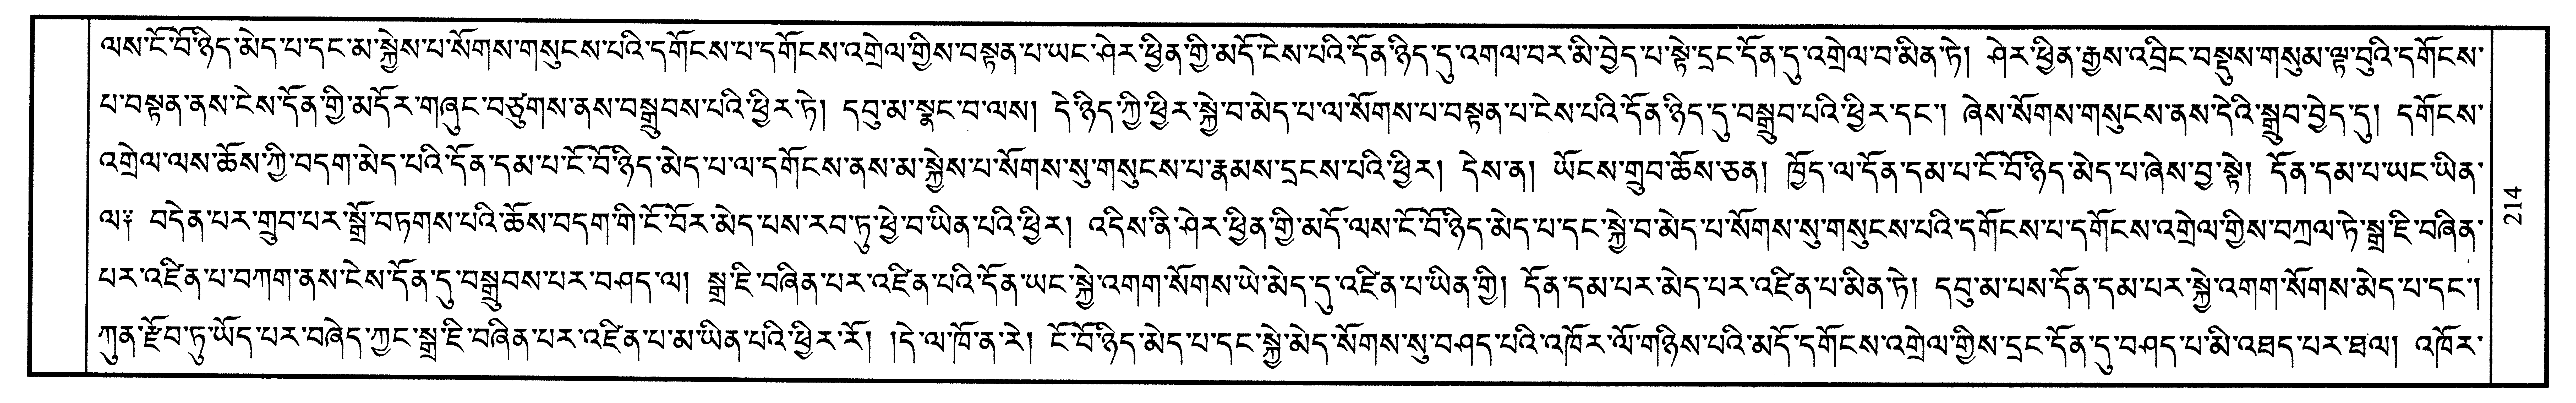ལས་ངོ་བོ་ཉིད་མེད་པ་དང་མ་སྐྱེས་པ་སོགས་གསུངས་པའི་དགོངས་པ་དགོངས་འགྲེལ་གྱིས་བསྟན་པ་ཡང་ཤེར་ཕྱིན་གྱི་མདོ་ངེས་པའི་དོན་ཉིད་དུ་འགལ་བར་མི་བྱེད་པ་སྟེ་དྲང་དོན་དུ་འགྲེལ་བ་མིན་ཏེ། ཤེར་ཕྱིན་རྒྱས་འབྲིང་བསྡུས་གསུམ་ལྟ་བུའི་དགོངས་
པ་བསྟན་ནས་ངེས་དོན་གྱི་མདོར་གཞུང་བཙུགས་ནས་བསྒྲུབས་པའི་ཕྱིར་ཏེ། དབུ་མ་སྣང་བ་ལས། དེ་ཉིད་ཀྱི་ཕྱིར་སྐྱེ་བ་མེད་པ་ལ་སོགས་པ་བསྟན་པ་ངེས་པའི་དོན་ཉིད་དུ་བསྒྲུབ་པའི་ཕྱིར་དང་། ཞེས་སོགས་གསུངས་ནས་དེའི་སྒྲུབ་བྱེད་དུ། དགོངས་
འགྲེལ་ལས་ཆོས་ཀྱི་བདག་མེད་པའི་དོན་དམ་པ་ངོ་བོ་ཉིད་མེད་པ་ལ་དགོངས་ནས་མ་སྐྱེས་པ་སོགས་སུ་གསུངས་པ་རྣམས་དྲངས་པའི་ཕྱིར། དེས་ན། ཡོངས་གྲུབ་ཆོས་ཅན། ཁྱོད་ལ་དོན་དམ་པ་ངོ་བོ་ཉིད་མེད་པ་ཞེས་བྱ་སྟེ། དོན་དམ་པ་ཡང་ཡིན་
ལ༑ བདེན་པར་གྲུབ་པར་སྒྲོ་བཏགས་པའི་ཆོས་བདག་གི་ངོ་བོར་མེད་པས་རབ་ཏུ་ཕྱེ་བ་ཡིན་པའི་ཕྱིར། འདིས་ནི་ཤེར་ཕྱིན་གྱི་མདོ་ལས་ངོ་བོ་ཉིད་མེད་པ་དང་སྐྱེ་བ་མེད་པ་སོགས་སུ་གསུངས་པའི་དགོངས་པ་དགོངས་འགྲེལ་གྱིས་བཀྲལ་ཏེ་སྒྲ་ཇི་བཞིན་
པར་འཛིན་པ་བཀག་ནས་ངེས་དོན་དུ་བསྒྲུབས་པར་བཤད་ལ། སྒྲ་ཇི་བཞིན་པར་འཛིན་པའི་དོན་ཡང་སྐྱེ་འགག་སོགས་ཡེ་མེད་དུ་འཛིན་པ་ཡིན་གྱི། དོན་དམ་པར་མེད་པར་འཛིན་པ་མིན་ཏེ། དབུ་མ་པས་དོན་དམ་པར་སྐྱེ་འགག་སོགས་མེད་པ་དང་།
ཀུན་རྫོབ་ཏུ་ཡོད་པར་བཞེད་ཀྱང་སྒྲ་ཇི་བཞིན་པར་འཛིན་པ་མ་ཡིན་པའི་ཕྱིར་རོ། །དེ་ལ་ཁོ་ན་རེ། ངོ་བོ་ཉིད་མེད་པ་དང་སྐྱེ་མེད་སོགས་སུ་བཤད་པའི་འཁོར་ལོ་གཉིས་པའི་མདོ་དགོངས་འགྲེལ་གྱིས་དྲང་དོན་དུ་བཤད་པ་མི་འཐད་པར་ཐལ། འཁོར་